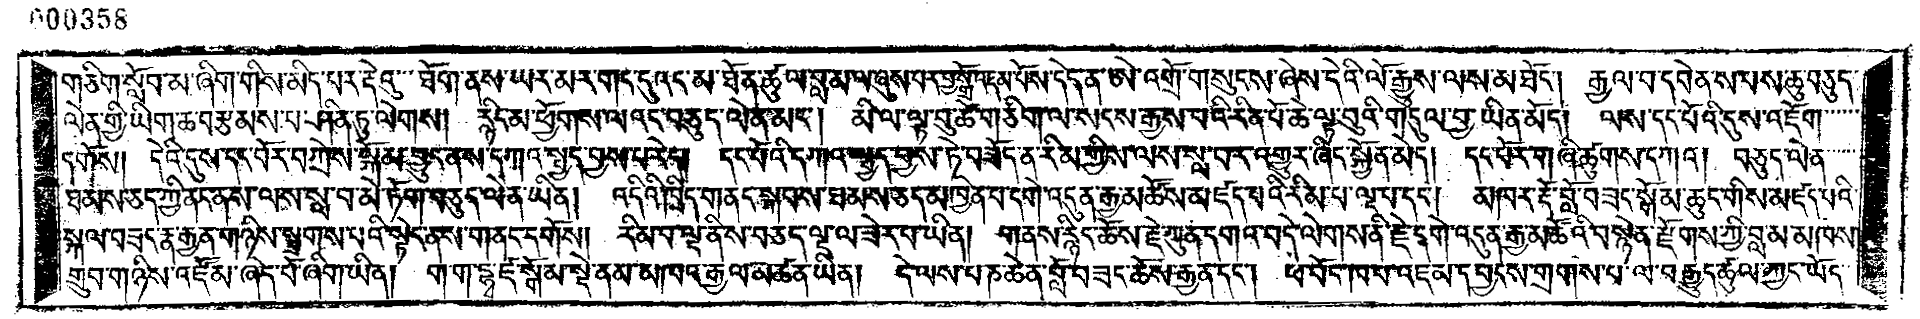གཅིག་སློབ་མ་ཞིག་གིས་མིད་པར་རྡེའུ་ཐོག་ནས་ཡར་མར་གང་དུའང་མ་ཐོན་ཚུལ་བླ་མ་ལ་ཞུས་པར་བྱ་སྒྲོ་འཇམ་པོས་དེད་ན་ཨེ་འགྲོ་གསུངས་ཞེས་དེའི་ལོ་རྒྱུས་ལས་མཐོང་། རྒྱལ་བ་དབེན་ས་པས་ཆུ་བཅུད་
ལེན་གྱི་ཡིག་ཆ་བརྩམས་པ་ཤིན་ཏུ་ལེགས། རྙིང་མ་ཕྱོགས་ལའང་བཅུད་ལེན་མང་། མི་ལ་ལྟ་བུ་ཚེ་གཅིག་ལ་སངས་རྒྱས་པའི་རིན་པོ་ཆེ་ལྟ་བུའི་གདུལ་བྱ་ཡིན་མོད། ལས་དང་པོའི་དུས་འཇོག་
དགོས། དེའི་དུས་དང་པོར་བཀྲེས་སྐོམ་བྱུང་ནས་དཀའ་སྤྱད་བྱས་པ་རེད། དང་པོའི་དཀའ་སྤྱད་བྱས་ཏེ་བཟོད་ན་རིམ་གྱིས་ལས་སླ་བར་འགྱུར་ཞིང་སྐྱོན་མེད། དང་པོར་གཞི་ཚུགས་དཀའ། བཅུད་ལེན་
ཐམས་ཅད་ཀྱི་ནང་ནས་ལས་སླ་བ་མེ་ཏོག་བཅུད་ལེན་ཡིན། འདིའི་ཁྲིད་གནང་སྐབས་ཐམས་ཅད་མཁྱེན་པ་དགེ་འདུན་རྒྱ་མཚོས་མཛད་པའི་རིམ་པ་ལྔ་པ་དང་། མཁར་རྡོ་བློ་བཟང་སྒོམ་ཆུང་གིས་མཛད་པའི་
སྐལ་བཟང་རྣ་རྒྱན་གཉིས་སྦྲགས་པའི་སྟེང་ནས་གནང་དགོས། རིམ་པ་ལྔ་ནི་ས་བཅད་ལྔ་ལ་ཟེར་པ་ཡིན། གནས་རྙིང་ཆོས་རྗེ་ཀུན་དགའ་བདེ་ལེགས་ནི་རྗེ་དགེ་འདུན་རྒྱ་མཚོའི་བསྙེན་རྫོགས་ཀྱི་བླ་མ་མཁས་
གྲུབ་གཉིས་འཛོམ་ཞེད་པོ་ཞིག་ཡིན། ག་ག་དྷྭ་ཛ་སྒོམ་སྡེ་ནམ་མཁའ་རྒྱལ་མཚན་ཡིན། དེ་ལས་པཎ་ཆེན་བློ་བཟང་ཆོས་རྒྱན་དང་། ཕ་བོང་ཁ་པ་འཇམ་དབྱངས་གྲགས་པ་ལ་བརྒྱུད་ཚུལ་ཀྱང་ཡོད་